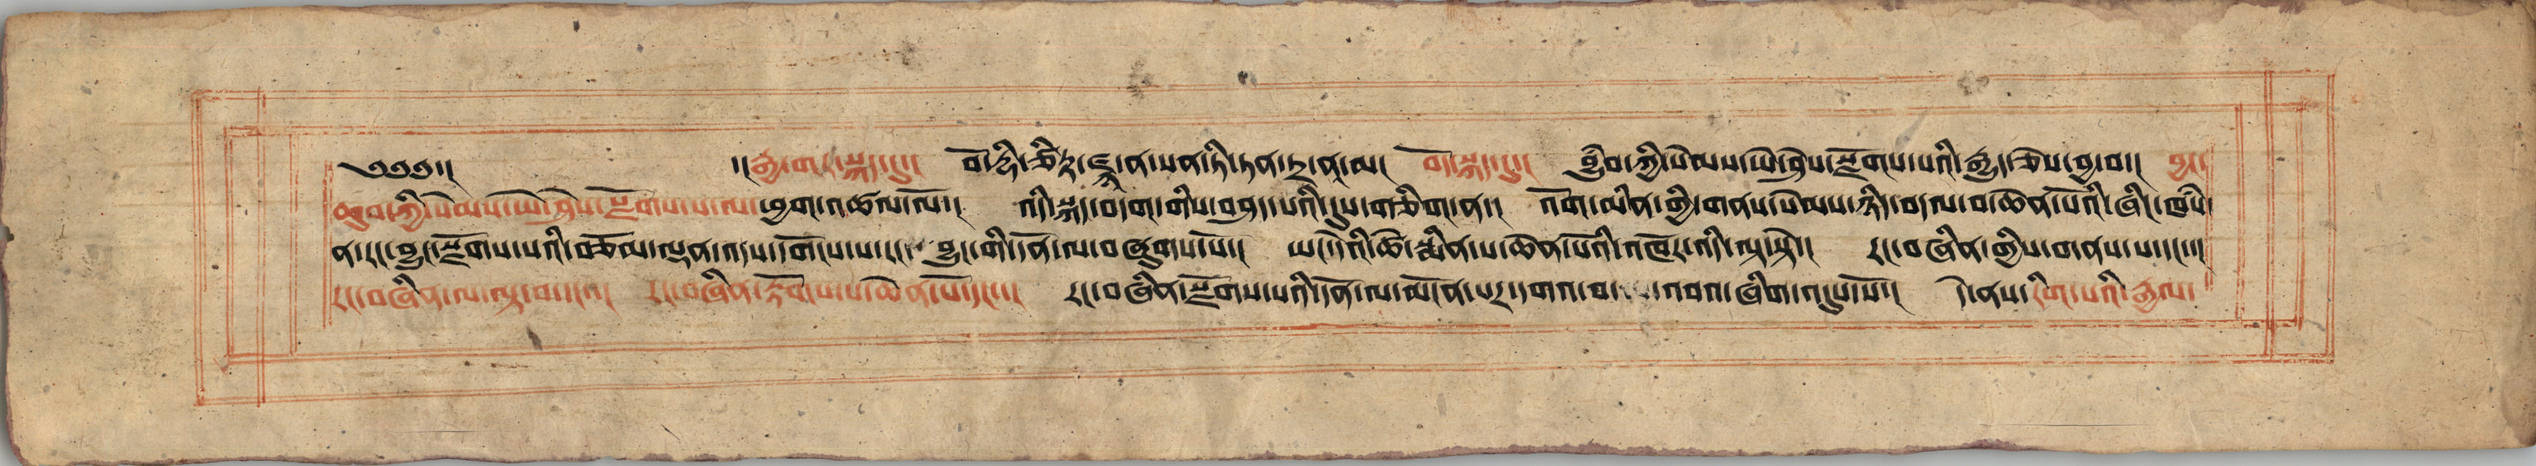༄༅༅་། ་།རྒྱ་གར་སྐད་དུ་། བོ་དྷི་ཙིཏྟ་ཛྙཱ་ན་སན་ཏི་ཏན་ཏྲ་ནཱ་མ། བོད་སྐད་དུ་། བྱུཾབ་ཀྱི་སེམས་ཡེ་ཤེས་སྫོགས་པའི་རྒྱུད་ཅེས་བྱ་བ་། བྱང་
ཆུབ་ཀྱི་སེམས་ཡེ་ཤེས་སྫོགས་པ་ལ་ཕྱག་འཚལ་ལོ་། འདི་སྐད་བདག་གིས་བཤད་པའི་དུས་གཅིག་ན་། འོག་མིན་གྱི་གནས་སེམས་ཉིད་བདལ་བ་ཆེན་པོའི་ཞིང་ཁཾས་
ན་རང་བྱུང་སྫོགས་པའི་བཅོམ་ལྡན་འདས་དགོངས་པ་རང་བྱུང་གི་དོན་ལ་བཞུགས་སོ་། ཡང་དེའི་ཚེ་སྨིན་པ་ཆེན་པོའི་འཁོར་འདི་ལྟ་སྟེ་། རང་བཞིན་གྱིས་གནས་པ་དང་་།
རང་བཞིན་ལ་ལྟ་བ་དང་་། རང་བཞིན་རྟོགས་པ་ཆེན་པོ་དང་་། རང་བཞིན་སྫོགས་པའི་དོན་ལ་མངོན་པར་དགའ་བ་འབའ་ཞིག་འདུས་སོ་། དེ་ནས་རིག་པའི་རྒྱལ་